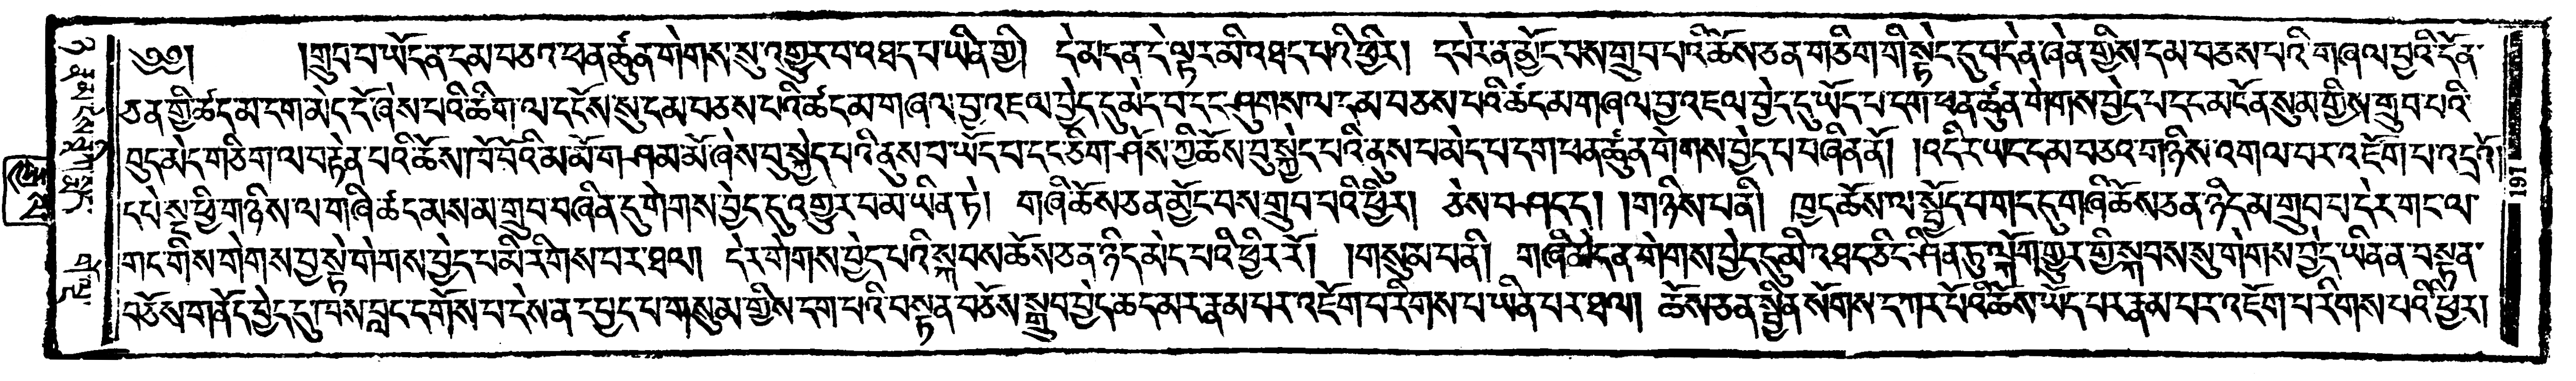༄༅། །གྲུབ་པ་ཡོད་ན་དམ་བཅའ་ཕན་ཚུན་གེགས་སུ་འགྱུར་བ་འཐད་པ་ཡིན་གྱི། དེ་མདན་དེ་ལྟར་མི་འཐད་པའི་ཕྱིར། དཔེར་ན་མྱོང་བས་གྲུབ་པའི་ཆོས་ཅན་གཅིག་གི་སྟེང་དུ་བདེན་ཞེན་གྱིས་དམ་བཅས་པའི་གཞལ་བྱའི་དོན་
ཅན་གྱི་ཚད་མ་དག་མེད་དོ་ཞེས་པའི་ཚིག་ལ་དངོས་སུ་དམ་བཅས་པའི་ཚད་མ་གཞལ་བྱ་འཇལ་བྱེད་དུ་མེད་པ་དང་ཤུགས་ལ་དམ་བཅས་པའི་ཚད་མ་གཞལ་བྱ་འཇལ་བྱེད་དུ་ཡོད་པ་དག་ཕན་ཚུན་གེགས་བྱེད་པ་དང་མངོན་སུམ་གྱིས་གྲུབ་པའི་
བུད་མེད་གཅིག་ལ་བརྟེན་པའི་ཆོས་ཁོ་བོའི་མ་མོ་གཤམ་མོ་ཞེས་བུ་སྐྱེད་པའི་ནུས་པ་ཡོད་པ་དང་ཅིག་ཤོས་ཀྱི་ཆོས་བུ་སྐྱེད་པའི་ནུས་པ་མེད་པ་དག་ཕན་ཚུན་གེགས་བྱེད་པ་བཞིན་ནོ། །འདིར་ཡང་དམ་བཅའ་གཉིས་འགལ་བར་འཇོག་པ་འདྲའོ།
དཔེ་སྔ་ཕྱི་གཉིས་ལ་གཞི་ཚད་མས་མ་གྲུབ་བཞིན་དུ་གེགས་བྱེད་དུ་འགྱུར་བ་མ་ཡིན་ཏེ། གཞི་ཆོས་ཅན་མྱོང་བས་གྲུབ་པའི་ཕྱིར། ཅེས་བཤད་ད། །གཉིས་པ་ནི། ཁྱད་ཆོས་ལ་སྤྱོད་པ་གང་དུ་གཞི་ཆོས་ཅན་ཉིད་མ་གྲུབ་པ་དེར་གང་ལ་
གང་གིས་གེགས་བྱ་སྟེ་གེགས་བྱེད་པ་མི་རིགས་པར་ཐལ། དེར་གེགས་བྱེད་པའི་སྐབས་ཆོས་ཅན་ཉིད་མེད་པའི་ཕྱིར་རོ། །གསུམ་པ་ནི། གཞི་མེད་ན་གེགས་བྱེད་དུ་མི་འཐད་ཅིང་ཤིན་ཏུ་ལྐོག་གྱུར་གྱི་སྐབས་སུ་གེགས་བྱེད་ཡིན་ན་བསྟན་
བཅོས་གནོད་བྱེད་དུ་ཁས་བླང་དགོས་པ་དེས་ན་དཔྱད་པ་གསུམ་གྱིས་དག་པའི་བསྟན་བཅོས་སྒྲུབ་བྱེད་ཆད་མར་རྣམ་པར་འཇོག་པ་རིགས་པ་ཡིན་པར་ཐལ། ཆོས་ཅན་སྦྱིན་སོགས་དཀར་པོའི་ཆོས་ཡོད་པར་རྣམ་པར་འཇོག་པ་རིགས་པའི་ཕྱིར།